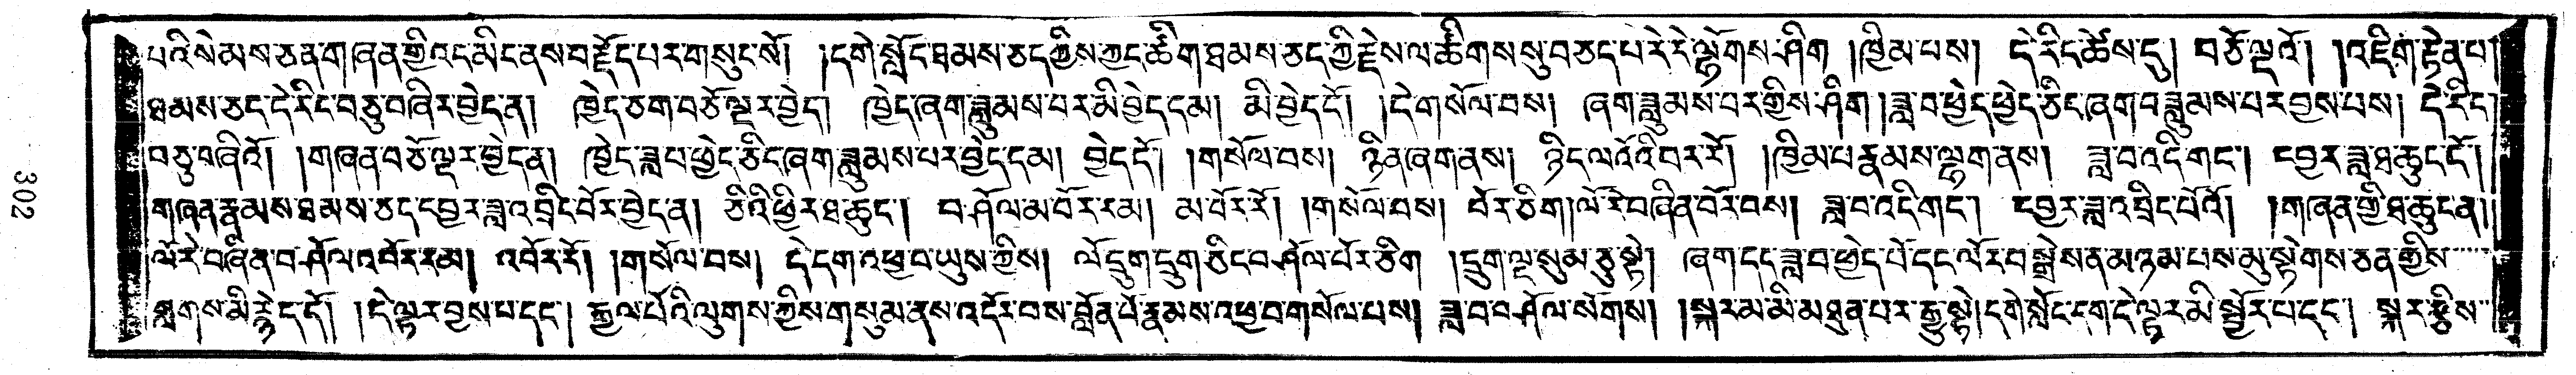པའི་སེམས་ཅན་གཞན་གྱིའང་མིང་ནས་བརྗོད་པར་གསུང་སོ། །དགེ་སློང་ཐམས་ཅད་ཀྱིས་ཀྱང་ཚིག་ཐམས་ཅད་ཀྱི་རྗེས་ལ་ཚིགས་སུ་བཅད་པ་རེ་རེ་ལྷོགས་ཤིག །ཁྱིམ་པས། དེ་རིང་ཚེས་དུ། བཅོ་ལྔའོ། །འཇིག་རྟེན་པ་
ཐམས་ཅད་དེ་རིང་བཅུ་བཞིར་བྱེད་ན། ཁྱེད་ཅག་བཅོ་ལྔར་བྱེད། ཁྱེད་ཞག་ཟླུམས་པར་མི་བྱེད་དམ། མི་བྱེད་དོ། །དེ་གསོལ་བས། ཞག་ཟླུམས་བར་གྱིས་ཤིག །ཟླ་བ་ཕྱེད་ཕྱེད་ཅིང་ཞག་བཟླུམས་པར་བྱས་པས། དེ་རིང་
བཅུ་བཞིའོ། །གཞན་བཅོ་ལྔར་བྱེད་ན། ཁྱེད་ཟླ་བ་ཕྱེད་ཅིང་ཞག་ཟླུམས་པར་བྱེད་དམ། བྱེད་དོ། །གསོལ་བས། ཉིན་ཞག་ནས། ཉིད་ལའོའི་བར་རོ། །ཁྱིམ་པ་རྣམས་ལྷག་ནས། ཟླ་བ་འདི་གང་། དབྱར་ཟླ་ཐ་ཆུང་ངོ། །
གཞན་རྣམས་ཐམས་ཅད་དབྱར་ཟླ་འབྲིང་བོར་བྱེད་ན། ཅིའི་ཕྱིར་ཐ་ཆུང་། བཤོལ་མ་བོར་རམ། མ་བོར་རོ། །གསོལ་བས། བོར་ཅིག །ལོ་རེ་བཞིན་བོར་བས། ཟླ་བ་འདི་གང་། དབྱར་ཟླ་འབྲིང་པོའོ། །གཞན་གྱི་ཐ་ཆུང་ན།
ལོ་རེ་བཞིན་བཤོལ་འབོར་རམ། འབོར་རོ། །གསོལ་བས། དེ་དག་འཕྱ་བ་ཡུས་ཀྱིས། ལོ་དྲུག་དྲུག་ཅིང་བཤོལ་པོར་ཅིག །དྲུག་ལྔ་སུམ་ཅུ་སྟེ། ཞག་དང་ཟླ་བ་ཕྱེད་པོ་དང་ལོར་བསྒྲེས་ན་མཉམ་པས་མུ་སྟེགས་ཅན་གྱིས་
གླགས་མི་རྙེད་དོ། །དེ་ལྟར་བྱས་པ་དང་། རྒྱལ་པོའི་ལུགས་ཀྱིས་གསུམ་ནས་འདོར་བས་བློན་པོ་རྣམས་འཕྱ་བ་གསོལ་པས། ཟླ་བ་བཤོལ་སོགས། །སྐར་མ་མི་མཐུན་པར་རྒྱུ་སྟེ། དགེ་སློང་དག་དེ་ལྟར་མི་སྦྱོར་པ་དང་། སྐར་རྩིས་